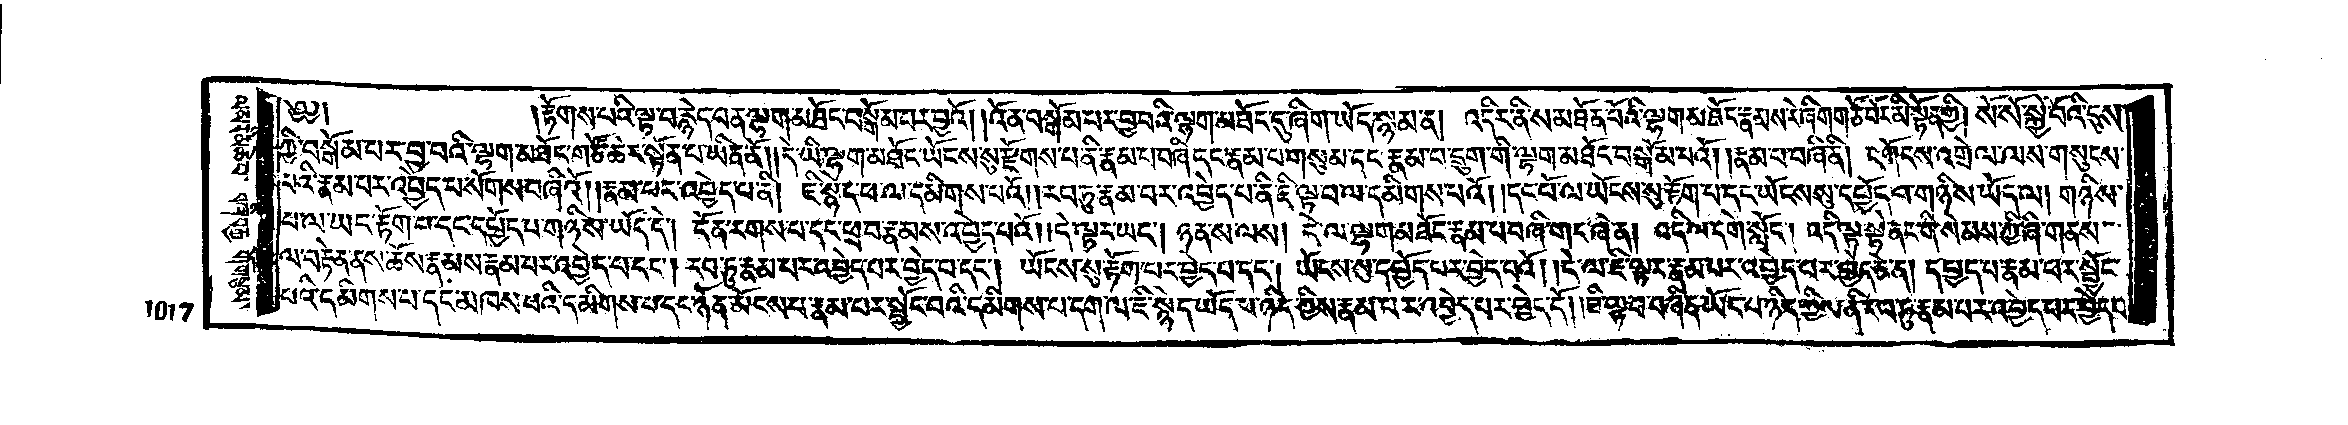༄༅། །རྟོགས་པའི་ལྟ་བ་རྙེད་པ་ན་ལྷག་མཐོང་བསྒོམ་པར་བྱའོ། །འོ་ན་བསྒོམ་པར་བྱ་བའི་ལྷག་མཐོང་དུ་ཞིག་ཡོད་སྙམ་ན། འདིར་ནི་ས་མཐོན་པོའི་ལྷག་མཐོང་རྣམས་རེ་ཞིག་གཙོ་བོར་མི་སྟོན་གྱི། སོ་སོ་སྐྱེ་བོའི་དུས་
ཀྱི་བསྒོམ་པར་བྱ་བའི་ལྷག་མཐོང་གཙོ་ཆེར་སྟོན་པ་ཡིན་ནོ། །དེ་ཡི་ལྷག་མཐོང་ཡོངས་སུ་རྫོགས་པ་ནི་རྣམ་པ་བཞི་དང་རྣམ་པ་གསུམ་དང་རྣམ་པ་དྲུག་གི་ལྷག་མཐོང་བསྒོམ་པའོ། །རྣམ་པ་བཞི་ནི། དགོངས་འགྲེལ་ལས་གསུངས་
པའི་རྣམ་པར་འབྱེད་པ་སོགས་བཞིའོ། །རྣམ་པར་འབྱེད་པ་ནི། ཇི་སྙེད་པ་ལ་དམིགས་པའོ། །རབ་ཏུ་རྣམ་པར་འབྱེད་པ་ནི་ཇི་ལྟ་བ་ལ་དམིགས་པའོ། །དང་པོ་ལ་ཡོངས་སུ་རྟོག་པ་དང་ཡོངས་སུ་དཔྱོད་པ་གཉིས་ཡོད་ལ། གཉིས་
པ་ལ་ཡང་རྟོག་པ་དང་དཔྱོད་པ་གཉིས་ཡོད་དེ། དོན་རགས་པ་དང་ཕྲ་བ་རྣམས་འབྱེད་པའོ། །དེ་ལྟར་ཡང་། ཉན་ས་ལས། དེ་ལ་ལྷག་མཐོང་རྣམ་པ་བཞི་གང་ཞེ་ན། འདི་ལ་དགེ་སློང་། འདི་ལྟ་སྟེ་ནང་གི་སེམས་ཀྱི་ཞི་གནས་
ལ་བརྟེན་ནས་ཆོས་རྣམས་རྣམ་པར་འབྱེད་པ་དང་། རབ་ཏུ་རྣམ་པར་འབྱེད་པར་བྱེད་པ་དང་། ཡོངས་སུ་རྟོག་པར་བྱེད་པ་དང་། ཡོངས་སུ་དཔྱོད་པར་བྱེད་པའོ། །དེ་ལ་ཇི་ལྟར་རྣམ་པར་འབྱེད་པར་བྱེད་ཅེ་ན། དཔྱད་པ་རྣམ་པར་སྦྱོང་
བའི་དམིགས་པ་དང་མཁས་པའི་དམིགས་པ་དང་ཉོན་མོངས་པ་རྣམ་པར་སྦྱོང་བའི་དམིགས་པ་དག་ལ་ཇི་སྙེད་ཡོད་པ་ཉིད་ཀྱིས་རྣམ་པར་འབྱེད་པར་བྱེད་དོ། །ཇི་ལྟ་བ་བཞིན་ཡོད་པ་ཉིད་ཀྱིས་ནི་རབ་ཏུ་རྣམ་པར་འབྱེད་པར་བྱེད་པ་